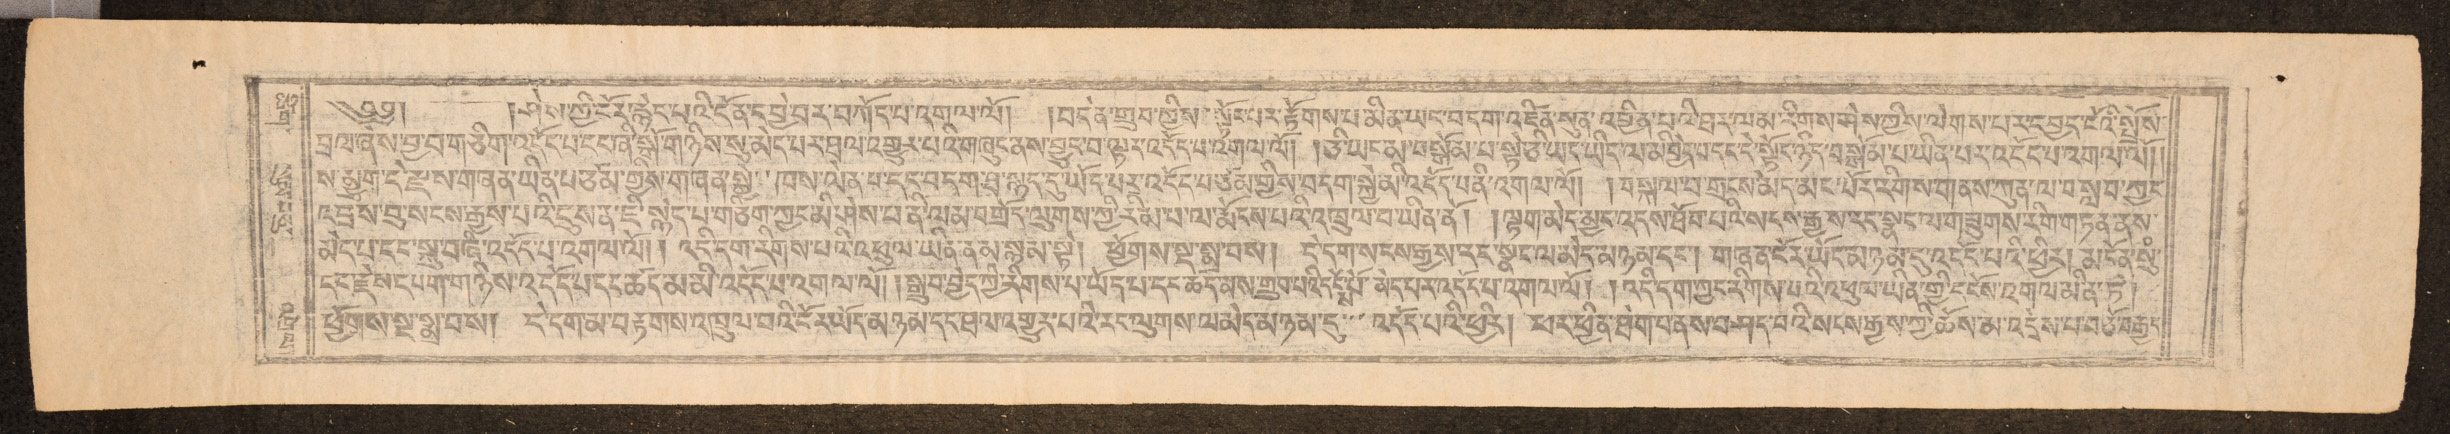༄༅། །ཤེས་ཀྱི་ངོར་རྙེད་པའི་དོན་དབྱེ་བར་བཀོད་པ་འགལ་ལོ། །བདེན་གྲུབ་ཀྱིས་སྟོང་པར་རྟོགས་པ་མིན་ཡང་བདག་འཛིན་སུན་འབྱིན་པའི་ཐར་ལམ་རིགས་ཤེས་ཀྱིས་ལེགས་པར་དབྱད་ངོའི་སྤྲོས་
བྲལ་ཞེས་བྱ་བ་གཅིག་འདོད་པ་དང་ཞི་སྒོ་གཉིས་སུ་མེད་པར་ཐལ་འགྱུར་པའི་གཞུང་ནས་བྱུང་བ་ལྟར་འདོད་པ་འགལ་ལོ། །ཅི་ཡང་མ་བསྒོམ་པ་སྟེ་ཅི་ཡང་ཡིད་ལ་མི་བྱེད་པ་དང་དེ་སྟོང་ཉིད་བསྒོམ་པ་ཡིན་པར་འདོད་པ་འགལ་ལོ།།
ས་མྱུག་དེ་རྫས་གཞན་ཡིན་པ་ཙམ་གྱིས་གཞན་སྐྱེ་ཁས་ལེན་པ་དང་བདག་ཐ་སྙད་དུ་ཡོད་པར་འདོད་པ་ཙམ་གྱིས་བདག་སྐྱེ་མི་འདོད་པ་ནི་འགལ་ལོ། །བསྐལ་པ་གྲངས་མེད་མང་པོར་རིགས་གནས་ཀུན་ལ་བསླབ་ཀྱང་
འབྲས་བུ་སངས་རྒྱས་པའི་དུས་ན་ཇི་སྙེད་པ་གཅིག་ཀྱང་མི་ཤེས་པ་ནི་ལམ་བགྲོད་ལུགས་ཀྱི་རིམ་པ་ལ་རྨོངས་པའི་འཁྲུལ་བ་ཡིན་ནོ། །ལྷག་མེད་མྱང་འདས་ཐོབ་པའི་སངས་རྒྱས་རང་སྣང་ལ་གཟུགས་རིག་གཏན་ནས་
མེད་པ་དང་སྐུ་བཞི་འདོད་པ་འགལ་ལོ། །འདི་དག་རིགས་པའི་འཕུལ་ཡིན་ནམ་སྙམ་སྟེ། ཕྱོགས་སྔ་སྨྲ་བས། དེ་དག་སངས་རྒྱས་རང་སྣང་ལ་མེད་མཉམ་དང་། གཞན་ངོར་ཡོང་མཉམ་དུ་འདོད་པའི་ཕྱིར། མངོན་སུཾ་
དང་རྗེས་དཔག་གཉིས་འདོད་པ་དང་ཚད་མ་མི་འདོད་པ་འགལ་ལོ། །སྒྲུབ་བྱེད་ཀྱི་རིགས་པ་ཡོད་པ་དང་ཚད་མས་གྲུབ་པའི་དངོས་པོ་མེད་པར་འདོད་པ་འགལ་ལོ། །འདི་དག་ཀྱང་རིགས་པའི་འཕུལ་ཡིན་གྱི་དངོས་འགལ་མིན་ཏེ།
ཕྱོགས་སྔ་སྨྲ་བས། དེ་དག་མ་བརྟགས་འཁྲུལ་བའི་ངོར་ཡོད་མཉམ་དང་ཐལ་འགྱུར་བའི་རང་ལུགས་ལ་མེད་མཉམ་དུ་འདོད་པའི་ཕྱིར། ཕར་ཕྱིན་ཐེག་པ་ནས་བཤད་པའི་སངས་རྒྱས་ཀྱི་ཆོས་མ་འདྲེས་པ་བཅོ་བརྒྱད་